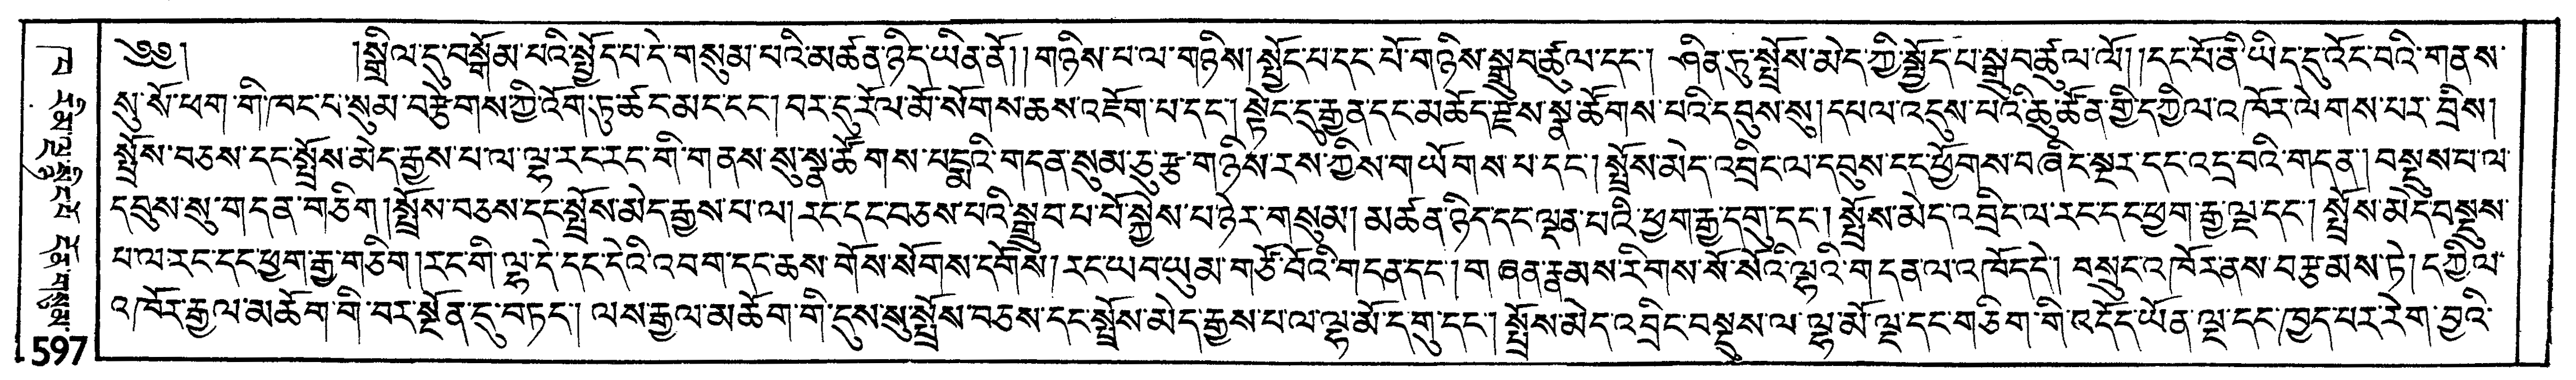༄༅། །སྒྲིལ་དུ་བསྒོམ་པའི་སྤྱོད་པ་དེ་གསུམ་པའི་མཚན་ཉིད་ཡིན་ནོ། །གཉིས་པ་ལ་གཉིས། སྤྱོད་པ་དང་པོ་གཉིས་སྒྲུབ་ཚུལ་དང་། ཤིན་ཏུ་སྤྲོས་མེད་ཀྱི་སྤྱོད་པ་སྒྲུབ་ཚུལ་ལོ། །དང་པོ་ནི་ཡིད་དུ་འོང་བའི་གནས་
སུ་སོ་ཕག་གི་ཁང་པ་སུམ་བརྩེགས་ཀྱི་འོག་ཏུ་ཚང་མང་དང་། བར་དུ་རོལ་མོ་སོགས་ཆས་འཇོག་པ་དང་། སྟེང་དུ་རྒྱན་དང་མཆོད་རྫས་སྣ་ཚོགས་པའི་དབུས་སུ། དཔལ་འདུས་པའི་ཆུ་ཚོན་གྱི་དཀྱིལ་འཁོར་ལེགས་པར་བྲིས།
སྤྲོས་བཅས་དང་སྤྲོས་མེད་རྒྱས་པ་ལ་ལྷ་རང་རང་གི་གནས་སུ་སྣ་ཚོགས་པདམའི་གདན་སུམ་ཅུ་རྩ་གཉིས་རས་ཀྱིས་གཡོགས་པ་དང་། སྤྲོས་མེད་འབྲིང་ལ་དབུས་དང་ཕྱོགས་བཞིང་སྔར་དང་འདྲ་བའི་གདན། བསྡུས་པ་ལ་
དབུས་སུ་གདན་གཅིག །སྤྲོས་བཅས་དང་སྤྲོས་མེད་རྒྱས་པ་ལ། རང་དང་བཅས་པའི་སྒྲུབ་པ་པོ་སྐྱེས་པ་ཉེར་གསུམ། མཚན་ཉིད་དང་ལྡན་པའི་ཕྱག་རྒྱ་དགུ་དང་། སྤྲོས་མེད་འབྲིང་ལ་རང་དང་ཕྱག་རྒྱ་ལྔ་དང་། སྤྲོས་མེད་བསྡུས་
པ་ལ་རང་དང་ཕྱག་རྒྱ་གཅིག །རང་གི་ལྷ་དེ་དང་དེའི་འབག་དང་ཆས་གོས་སོགས་དགོས། རང་ཡབ་ཡུམ་གཙོ་བོའི་གདན་དང་། གཞན་རྣམས་རིགས་སོ་སོའི་ལྷའི་གདན་ལ་འཁོད་དེ། བསྲུང་འཁོར་ནས་བརྩམས་ཏེ། དཀྱིལ་
འཁོར་རྒྱལ་མཆོག་གི་བར་སྔོན་དུ་བཏང་། ལས་རྒྱལ་མཆོག་གི་དུས་སུ་སྤྲོས་བཅས་དང་སྤྲོས་མེད་རྒྱས་པ་ལ་ལྷ་མོ་དགུ་དང་། སྤྲོས་མེད་འབྲིང་བསྡུས་ལ་ལྷ་མོ་ལྔ་དང་གཅིག་གི་འདོད་ཡོན་ལྔ་དང་ཁྱད་པར་རེག་བྱའི་